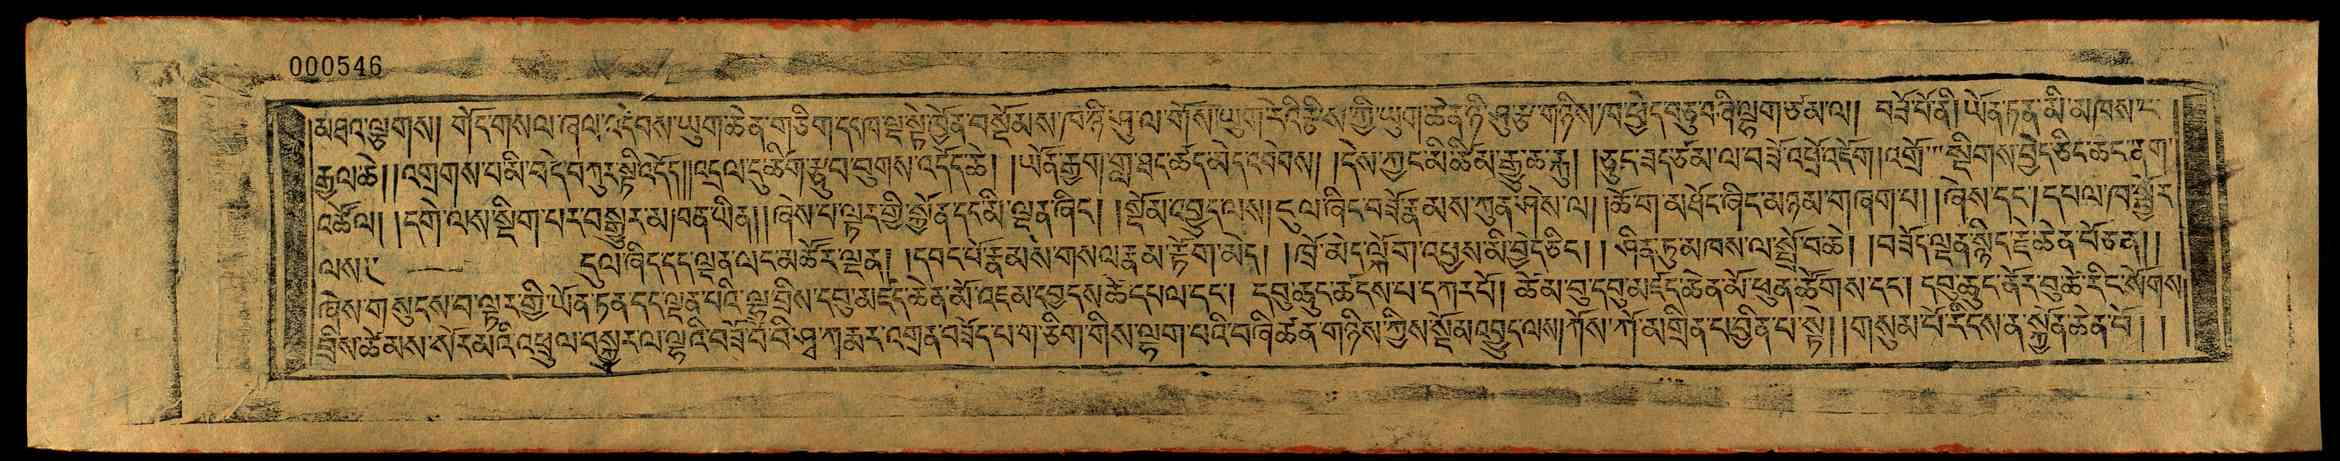མཐའ་ལྕགས། གོད་གསལ་ཞལ་འདེབས་ཡུག་ཆེན་གཅིག་དང་ཁ་ལྔ་སྟེ་ཁྱོན་བསྡོམས་ཁ་ཉི་ཤུ་ལ་གོས་ཡུག་རིའི་རྩིས་ཀྱི་ཡུག་ཆེན་ཉི་ཤུ་རྩ་གཉིས་ཁ་ཕྱེད་བཅུ་བཞི་ལྷག་ཙམ་ལ། བཟོ་བོ་ནི། ཡོན་ཏན་མི་མཁས་ང་
རྒྱལ་ཆེ། །འགྲོགས་པ་མི་བདེ་བཀུར་སྟི་འདོད། །འཕྲལ་དུ་ཚིག་རྩུབ་ཕུགས་འདོད་ཆེ། །ཡོན་རྒྱག་གླ་ཐང་ཚད་མེད་འབེབས། །དེས་ཀྱང་མི་ཚིམ་རྒྱུ་ཆ་རྐུ། །ཅུང་ཟད་ཙམ་ལ་བཟོ་འཕྲོ་འཇོག །འགྲོ་་་སྡིགས་བྱེད་ཅིང་ཆང་ནག་
འཚོལ། །དགེ་ལས་སྡིག་པར་བསྒྱུར་མཁན་ཡིན། །ཞེས་པ་ལྟར་གྱི་སྐྱོན་དང་མི་ལྡན་ཞིང་། །སྡོམ་འབྱུང་ལས། དུལ་ཞིང་བཟོ་རྣམས་ཀུན་ཤེས་ལ། །ཆོ་ག་མཐོང་ཞིང་མཉམ་གཞག་པ། །ཞེས་དང་། དཔལ་ཁ་སྦྱོར་
ལས། དུལ་ཞིང་དད་ལྡན་ལང་མཚོར་ལྡན། །དབང་པོ་རྣམས་གསལ་རྣམ་རྟོག་མེད། །ཁྲོ་མེད་ལྐོག་འཕྱས་མི་བྱེད་ཅིང་། །ཤིན་ཏུ་མཁས་ལ་སྤྲོ་བ་ཆེ། །བཟོད་ལྡན་སྙིང་རྗེ་ཆེན་པོ་ཅན། །
ཞེས་གསུངས་པ་ལྟར་གྱི་ཡོན་ཏན་དང་ལྡན་པའི་ལྷ་བྲིས་དབུ་མཛད་ཆེན་མོ་འཇམ་དབྱངས་ཚེ་དཔལ་དང་། དབུ་ཆུང་ཚངས་པ་དཀར་པོ། །ཚེམ་བུ་དབུ་མཛད་ཆེན་པོ་ཕུན་ཚོགས་དང་། དབུ་ཆུང་ནོར་བུ་ཚེ་རིང་སོགས་
བྲིས་ཚེམས་སོར་མོའི་འཕྲུལ་བསྒྱུར་ལ་ལྷའི་བཟོ་བོ་བི་ཤྭ་ཀར་མར་འགྲན་བཟོད་པ་གཅིག་གིས་ལྷག་པའི་བཞི་ཚན་གཉིས་ཀྱིས་སྡོམ་འབྱུང་ལས། ཀོས་ཀོ་མགྲིན་པ་བྱིན་པ་སྟེ། །གསུམ་པོ་རིངས་ན་སྐྱོན་ཆེན་པོ། །